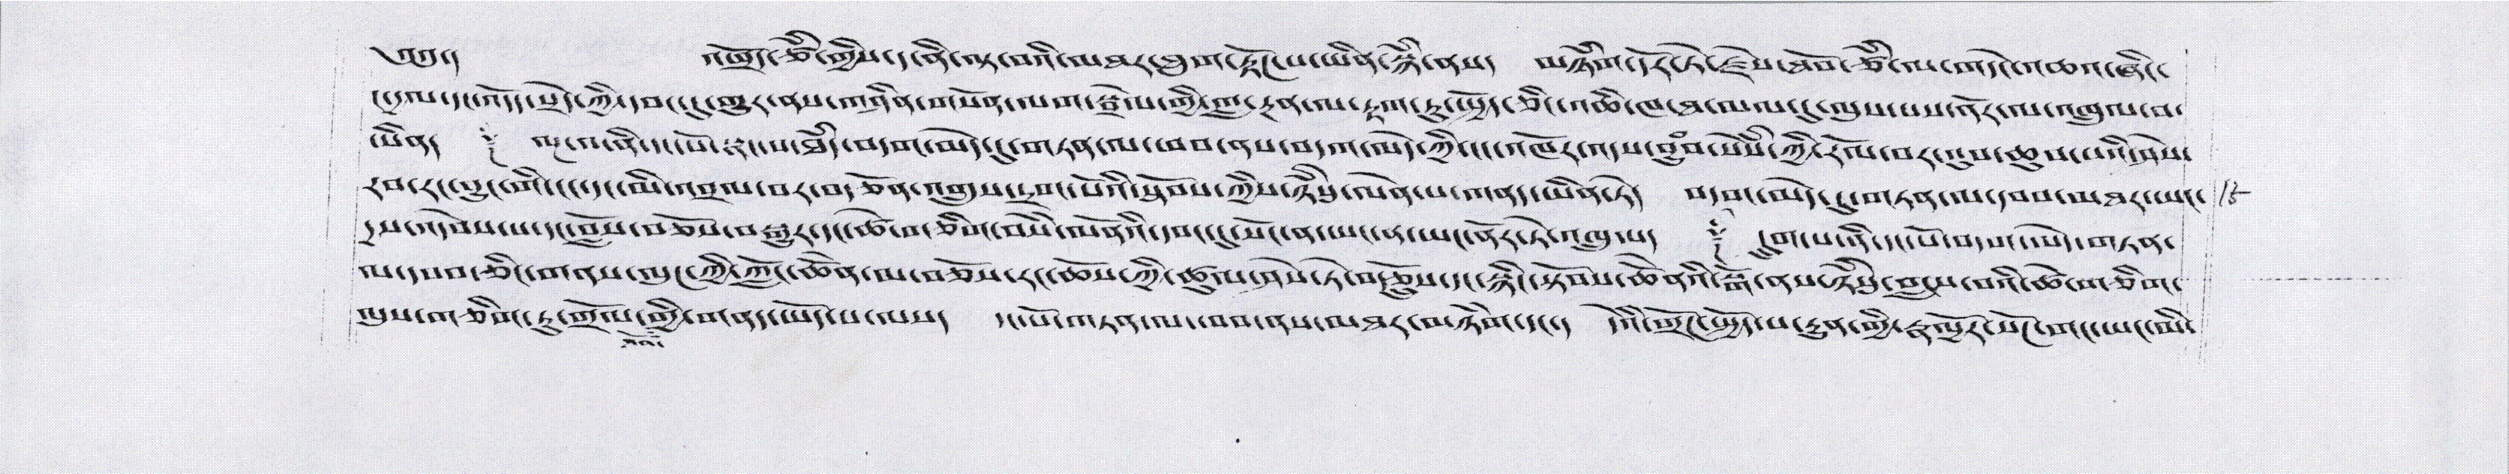འཕྲོད་ཙམ་གྱིས་ད་ནི་ལྟ་བའི་མཐར་ཐུག་རྟོགས་པ་ཡིན་སྙམ་ནས། མཉམ་བཞག་དོར་ཏེ་རྗེས་ཐོབ་ཙམ་ལ་གདེང་འཆའ་ཞིང་། 
ང་རྒྱལ་དང་འདོད་སྲེད་ཀྱི་དབང་དུ་གྱུར་ནས་གཤིན་གསོན་ལག་སྦྲེལ་གྱི་གླང་རྔན་ལ་རྟག་ཏུ་སྤྱོད་ཅིང་འཆི་ཁ་ཐ་མ་ལ་དུ་ལུས་པས་ནོར་ལ་འཁྲུལ་བ་
ཡིན། ༑ ལྔ་བ་ནི་དང་པོ་སྣང་བ་ཐམས་ཅད་བདག་མེད་དུ་གཏན་ལ་ཕབ་ནས་བདག་མེད་ཀྱི་ངང་འཁོར་འདས་བྱང་ཆུབ་སེམས་ཀྱི་རོལ་བར་འུབ་ཆུབ་པའི་ཤེས་
རབ་རང་བྱུང་གི་ངང་དང་མི་འབྲལ་བར་བརྩོན་འགྲུས་དྲག་པོའི་སྟོབས་ཀྱིས་ཉམས་སུ་ལེན་པ་གནད་ཡིན་ཏེ། བདག་མེད་དུ་གཏན་ལ་དབབ་མཐར་ཡང་
རྒྱས་འདེབས་པ་དང་བློས་བཅོས་བསྒྱུར་དང་ཚེ་གཅིག་བསམ་མནོའི་དབང་དུ་སོང་ན་ཡང་ན་ཡང་ནོར་ཏེ་འཁྲུལ། ༑ དྲུག་པ་ནི་དང་པོ་བདག་མེད་གཏན་
ལ་དབབ་ཅིང་གནས་ལུགས་ཀྱི་ཀློང་ཆེན་པོ་མ་བཅོས་རང་ཆོས་ཀྱི་ཚུལ་ཤེས་ཏེ་བརྩོན་འགྲུས་དང་སྙིང་སྟོབས་ཆེན་པོའི་སྒོ་ནས་ཉམས་སུ་བླངས་པའི་ཚེ་གཅིག་
ལུས་གཅིག་ཏུ་གྲོལ་ཤེས་ཀྱི་གནད་ཡོད་པ་ལས། དང་པོ་གཏན་ལ་ཕབ་ནས་མཐར་མཉམ་བཞག་དང། དེའི་གྲོགས་སྤྱོད་པ་རྒྱུན་གྱི་རྣལ་འབྱོར་སོགས་གང་ཡང་མི་